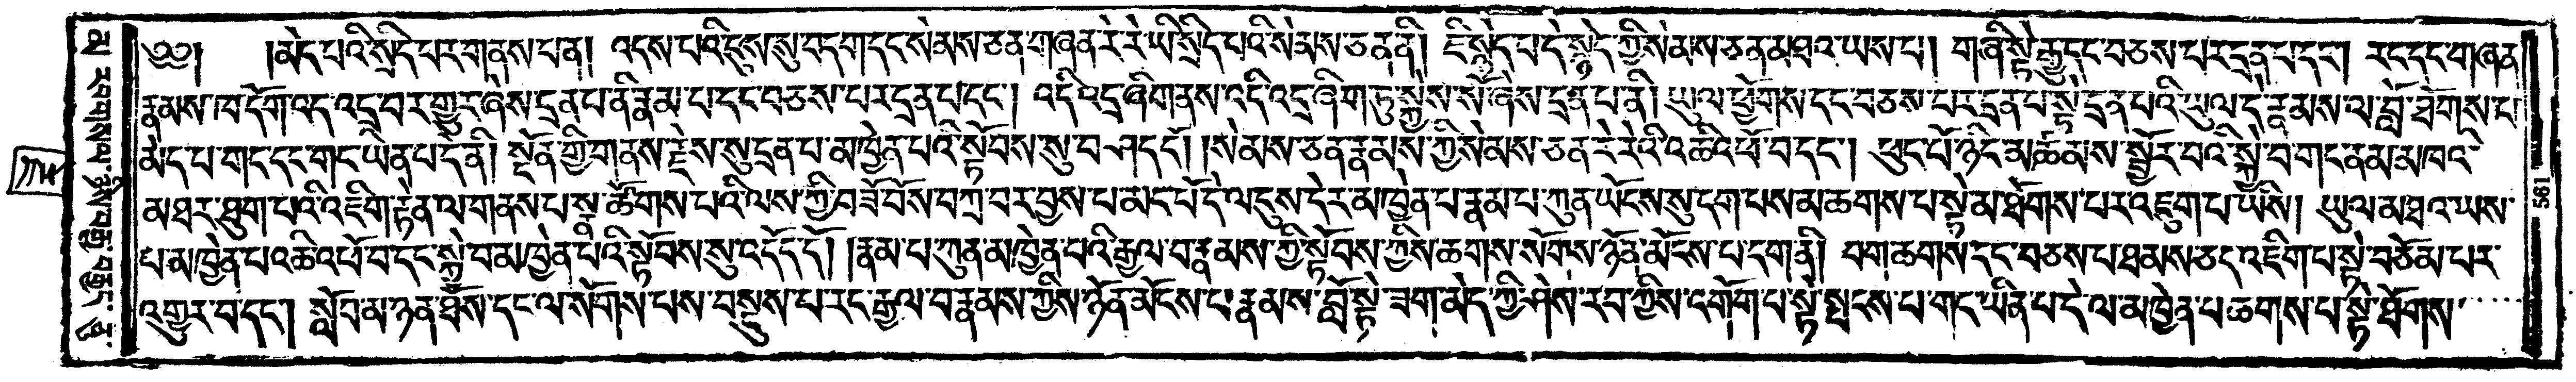༄༅། །མེད་པའི་སྲིད་པར་གནས་པ་ན། འདས་པའི་དུས་སུ་བདག་དང་སེམས་ཅན་གཞན་རེ་རེ་ཡི་སྲིད་པའི་སེམས་ཅན་ནི། ཇི་སྙེད་པ་དེ་སྙེད་ཀྱི་སེམས་ཅན་མཐའ་ཡས་པ། གཞི་སྟེ་རྒྱུ་དང་བཅས་པར་དྲན་པ་དང་། རང་དང་གཞན་
རྣམས་ཁ་དོག་འདི་འདྲ་བར་གྱུར་ཞེས་དྲན་པ་ནི་རྣམ་པ་དང་བཅས་པར་དྲན་པ་དང་། འདི་འདྲ་ཞི་གནས་འདི་འདྲ་ཞིག་ཏུ་སྐྱེས་སོ་ཞེས་དྲན་པ་ནི། ཡུལ་ཕྱོགས་དང་བཅས་པར་དྲན་པ་སྟེ་དྲན་པའི་ཡུལ་དེ་རྣམས་ལ་བློ་ཐོགས་པ་
མེད་པ་གང་དང་གང་ཡིན་པ་དེ་ནི། སྔོན་གྱི་གནས་རྗེས་སུ་དྲན་པ་མཁྱེན་པའི་སྟོབས་སུ་བཤད་དོ། །སེམས་ཅན་རྣམས་ཀྱི་སེམས་ཅན་རེ་རེའི་འཆི་འཕོ་བ་དང་། ཕུང་པོ་ཉིང་མཚམས་སྦྱོར་བའི་སྐྱེ་བ་གང་ནམ་མཁའི་
མཐར་ཐུག་པའི་འཇིག་རྟེན་ལ་གནས་པ་སྣ་ཚོགས་པའི་ལས་ཀྱི་བཟོ་བོས་བཀྲ་བར་བྱས་པ་མང་པོ་དེ་ལ་དུས་དེར་མཁྱེན་པ་རྣམ་པ་ཀུན་ཡོངས་སུ་དག་པས་མ་ཆགས་པ་སྟེ་མ་ཐོགས་པར་འཇུག་པ་ཡིས། ཡུལ་མཐའ་ཡས་
པ་མཁྱེན་པ་འཆི་འཕོ་བ་དང་སྐྱེ་བ་མཁྱེན་པའི་སྟོབས་སུ་འདོད་དོ། །རྣམ་པ་ཀུན་མཁྱེན་པའི་རྒྱལ་བ་རྣམས་ཀྱི་སྟོབས་ཀྱིས་ཆགས་སོགས་ཉོན་མོངས་པ་དག་ནི། བག་ཆགས་དང་བཅས་པ་ཐམས་ཅད་འཇིག་པ་སྟེ་བཅོམ་པར་
འགྱུར་བ་དང་། སློབ་མ་ཉན་ཐོས་དང་ལ་སོགས་པས་བསྡུས་པ་རང་རྐྱལ་བ་རྣམས་ཀྱིས་ཉོན་མོངས་པ་རྣམས་བློ་སྟེ་ཟག་མེད་ཀྱི་ཤེས་རབ་ཀྱིས་འགོག་པ་སྟེ་སྤངས་པ་གང་ཡིན་པ་དེ་ལ་མཁྱེན་པ་ཆགས་པ་སྟེ་ཐོགས་